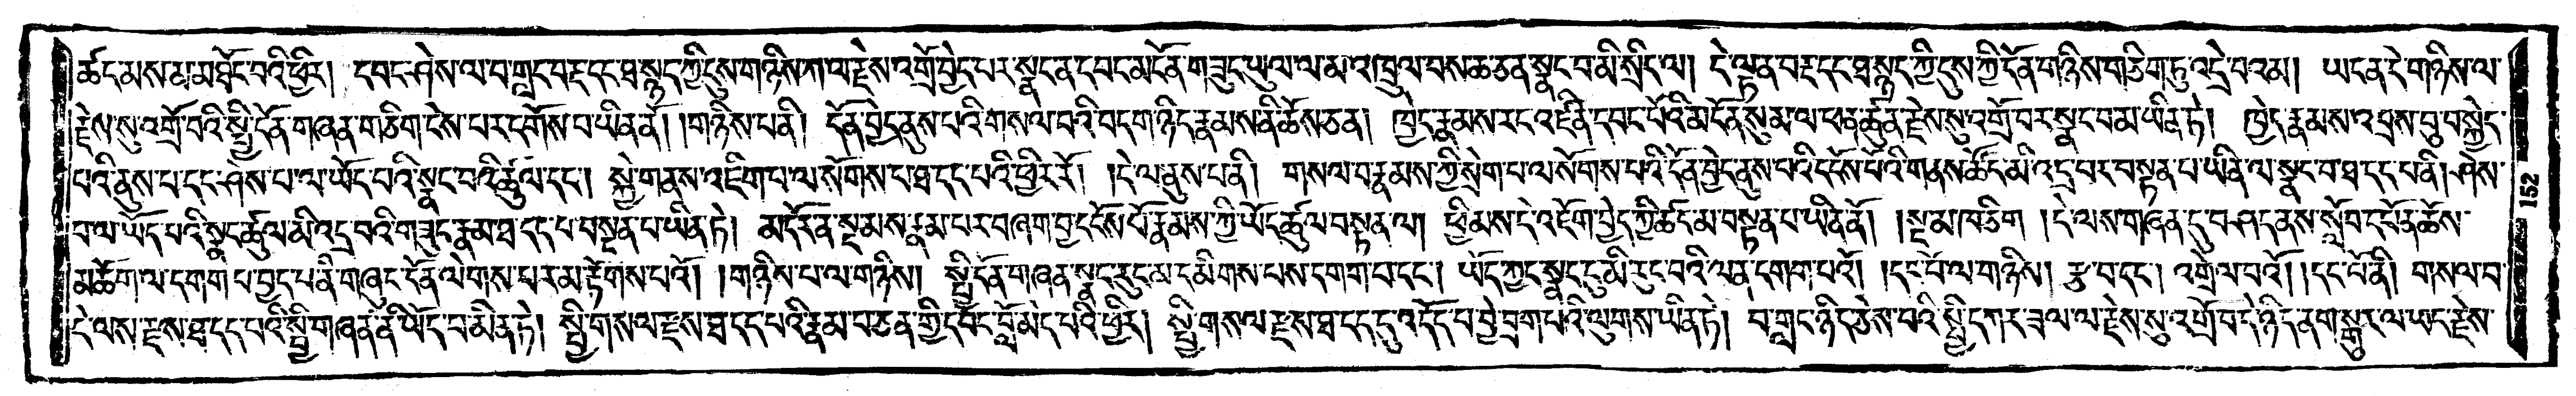ཚད་མས་མ་མཐོང་བའི་ཕྱིར། དབང་ཤེས་ལ་བ་གླང་བརྡ་དང་ཐ་སྙད་ཀྱི་དུས་གཉིས་ཀ་ལ་རྗེས་འགྲོ་བྱེད་པར་སྣང་ན་དབང་མངོན་གཟུང་ཡུལ་ལ་མ་འཁྲུལ་བས་ཆ་ཅན་སྣང་བ་མི་སྲིད་ལ། དེ་ལྟ་ན་བརྡ་དང་ཐ་སྙད་ཀྱི་དུས་ཀྱི་དོན་གཉིས་གཅིག་ཏུ་འདྲེ་བའམ། ཡང་ན་དེ་གཉིས་ལ་
རྗེས་སུ་འགྲོ་བའི་སྤྱི་དོན་གཞན་གཅིག་ངེས་པར་དགོས་པ་ཡིན་ནོ། །གཉིས་པ་ནི། དོན་བྱེད་ནུས་པའི་གསལ་བའི་བདག་ཉིད་རྣམས་ནི་ཆོས་ཅན། ཁྱེད་རྣམས་རང་འཛིན་དབང་པོའི་མངོན་སུམ་ལ་ཕན་ཚུན་རྗེས་སུ་འགྲོ་བར་སྣང་བ་མ་ཡིན་ཏེ། ཁྱེད་རྣམས་འབྲས་བུ་བསྐྱེད་
པའི་ནུས་པ་དང་ཤེས་པ་ལ་ཡོད་པའི་སྣང་བའི་ཚུལ་དང་། སྐྱེ་གནས་འཇིག་པ་ལ་སོགས་པ་ཐ་དད་པའི་ཕྱིར་རོ། །དེ་ལ་ནུས་པ་ནི། གསལ་བ་རྣམས་ཀྱི་སྲེག་པ་ལ་སོགས་པའི་དོན་བྱེད་ནུས་པའི་དངོས་པོའི་གནས་ཚོད་མི་འདྲ་བར་བསྟན་པ་ཡིན་ལ་སྣང་བ་ཐ་དད་པ་ནི། ཤེས་
པ་ལ་ཡོད་པའི་སྣང་ཚུལ་མི་འདྲ་བའི་གཟུང་རྣམ་ཐ་དད་པ་བསྔན་?་པ་ཡིན་ཏེ། མདོར་ན་སྔ་མས་རྣམ་པར་བཞག་བྱ་དངོས་པོ་རྣམས་ཀྱི་ཡོད་ཚུལ་བསྟན་ལ། ཕྱི་མས་དེ་འཇོག་བྱེད་ཀྱི་ཚད་མ་བསྟན་པ་ཡིན་ནོ། །སྔ་མ་ཁ་ཅིག །དེ་ལས་གཞན་དུ་བཤད་ནས་སློབ་དཔོན་ཆོསེ་
མཆོག་ལ་དགག་པ་བྱད་པ་ནི་གཞུང་དོན་ལེགས་པར་མ་རྟོགས་པའོ། །གཉིས་པ་ལ་གཉིས། སྤྱི་དོན་གཞན་སྣང་རུང་མ་དམིགས་པས་དགག་པ་དང་། ཡོད་ཀྱང་སྣང་དུ་མི་རུང་བའི་ལན་དགག་པའོ། །དང་པོ་ལ་གཉིས། རྩ་བ་དང་། འགྲེལ་པའོ། །དང་པོ་ནི། གསལ་བ་
དེ་ལས་རྫས་ཐ་དད་པའི་སྤྱི་གཞན་ནི་ཡོད་པ་མིན་ཏེ། སྤྱི་གསལ་རྫས་ཐ་དད་པའི་རྣམ་པ་ཅན་གྱི་དབང་བློ་མེད་པའི་ཕྱིར། སྤྱི་གསལ་རྫས་ཐ་དད་དུ་འདོད་པ་བྱེ་བྲག་པའི་ལུགས་ཡིན་ཏེ། བ་གླང་ཉིད་ཅེས་པའི་སྤྱི་དཀར་ཟལ་ལ་རྗེས་སུ་འགྲོ་བ་དེ་ཉིད་ནག་སྒུར་ལ་ཡང་རྗེས་